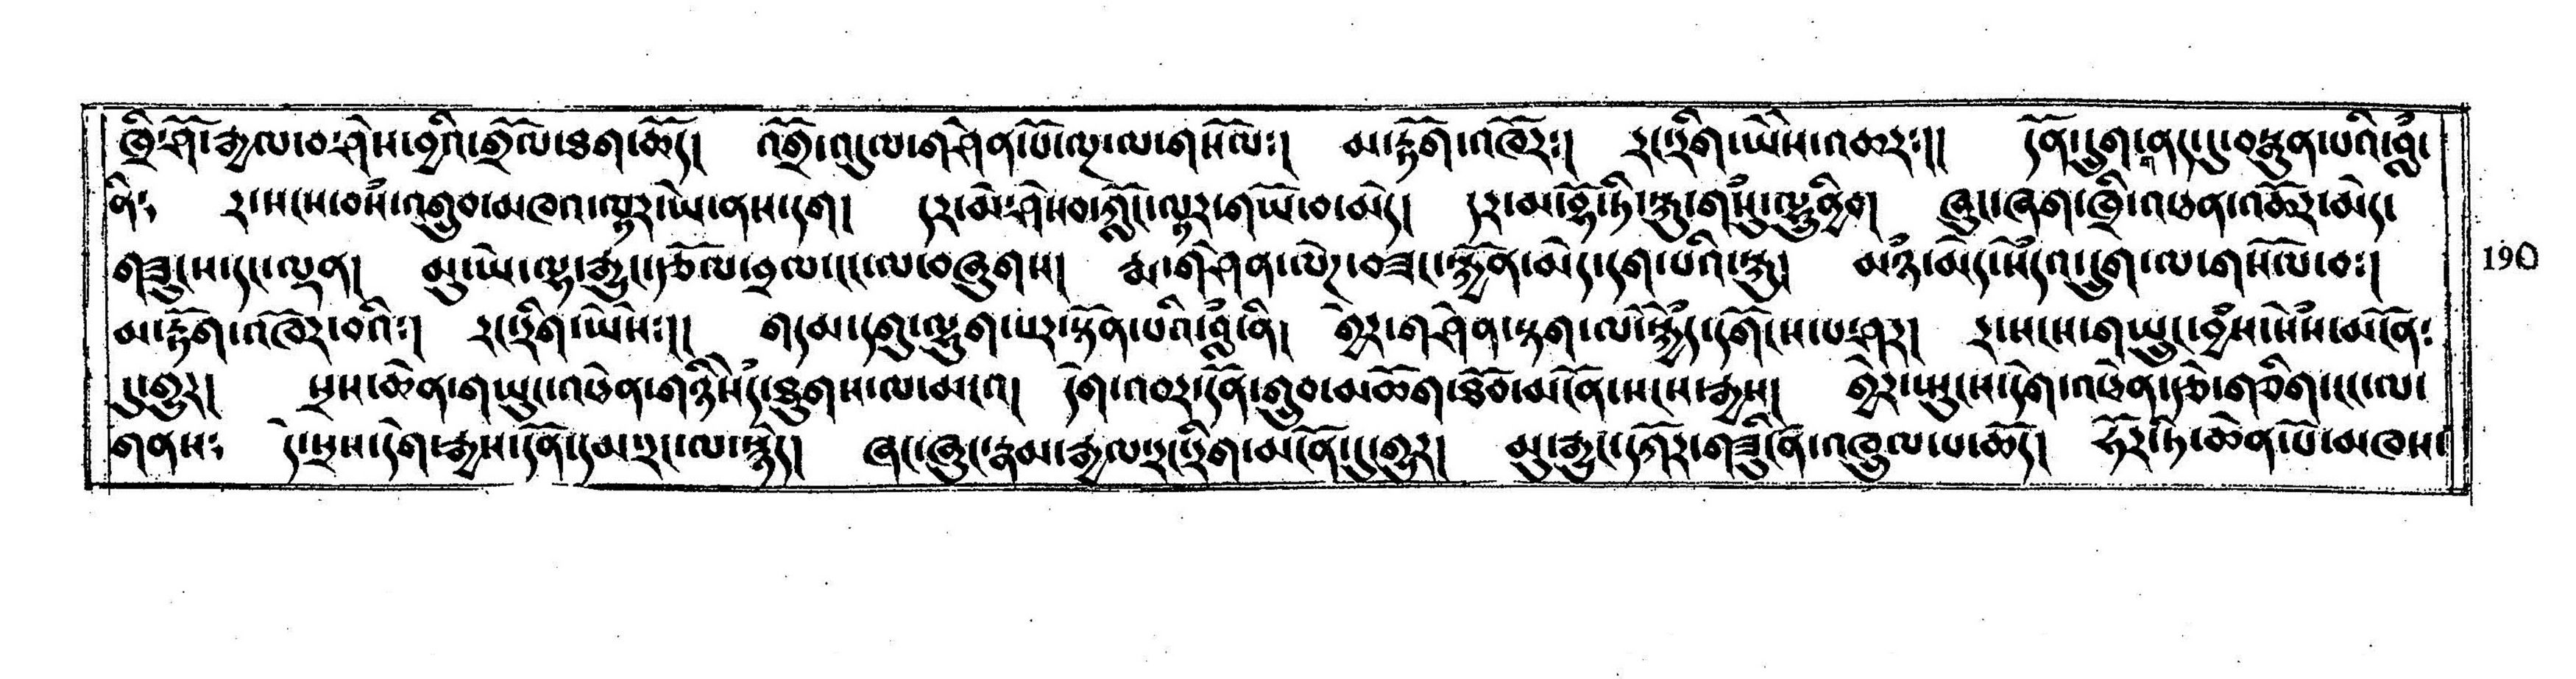ཁྲི་ཤོ་རྒྱལ་བ་ཤེས་བྱའི་གྲོལ་ཐག་ཆོད། འགྲོ་འདུལ་གཤེན་པོ་ལྔ་ལ་གསོལ༴། མ་རྟོགས་འཁོར༴། རང་རིག་ཡེ་ཤེས་འཆར༴།། དོན་དྲུག་གནད་དུ་བསྣུན་པའི་བླ་མ་
ནི། ར་སངས་བསམ་འགྲུབ་མཁའ་ལྟར་ཡེ་ནས་དག དར་མ་ཤེས་རབ་ཀློང་ལྟར་གཡོ་བ་མེད། དར་མ་བྷོ་ཏི་སྐུ་གསུམ་ལྷུན་གྱིས་གྲུབ། ཞུང་ཞག་ཁྲི་འཕན་འཆོར་མེད་
གཟུངས་དང་ལྡན། མུ་ཡེ་ལྷ་རྒྱུང་རྩོལ་བྲལ་ངང་ལ་བཞུགས། རྨ་གཤེན་ལེགས་བཟང་སྐྱོན་མེད་དག་པའི་སྐུ། མཉམ་མེད་སེམས་དཔའ་དྲུག་ལ་གསོལ་བ༴། 
མ་རྟོགས་འཁོར་བའི༴། རང་རིག་ཡེ་ཤེས༴།། གདམ་དགུ་ལྷུག་པར་སྟོན་པའི་བླ་མ་ནི། གྱེར་གཤེན་སྟག་ལ་སྐྱེ་མེད་དགོངས་པ་ཤར། ར་སངས་གཡུང་དྲུང་བྱམས་སེམས་མངོན་
དུ་གྱུར། སྲས་ཆེན་གཡུང་འཕེན་གཉིས་མེད་ཐུགས་ལ་མངའ། དགེ་འབར་དོན་གྲུབ་མཆོག་ཐོབ་མངོན་སངས་རྒྱས། གྱེར་སྤུངས་དགེ་འཕེན་རྩེ་གཅིག་ངང་ལ་
གནས། དེ་སྲས་དགེ་རྒྱས་དོན་དམ་རང་ལ་རྙེད། ཞང་ཞུང་རྣམ་རྒྱལ་རང་རིག་མངོན་དུ་གྱུར། མུ་རྒྱུང་དཀར་པོ་གཟུང་འཛིན་འཁྲུལ་པ་ཆོད། ཧོར་ཏི་ཆེན་པོ་མཁས་